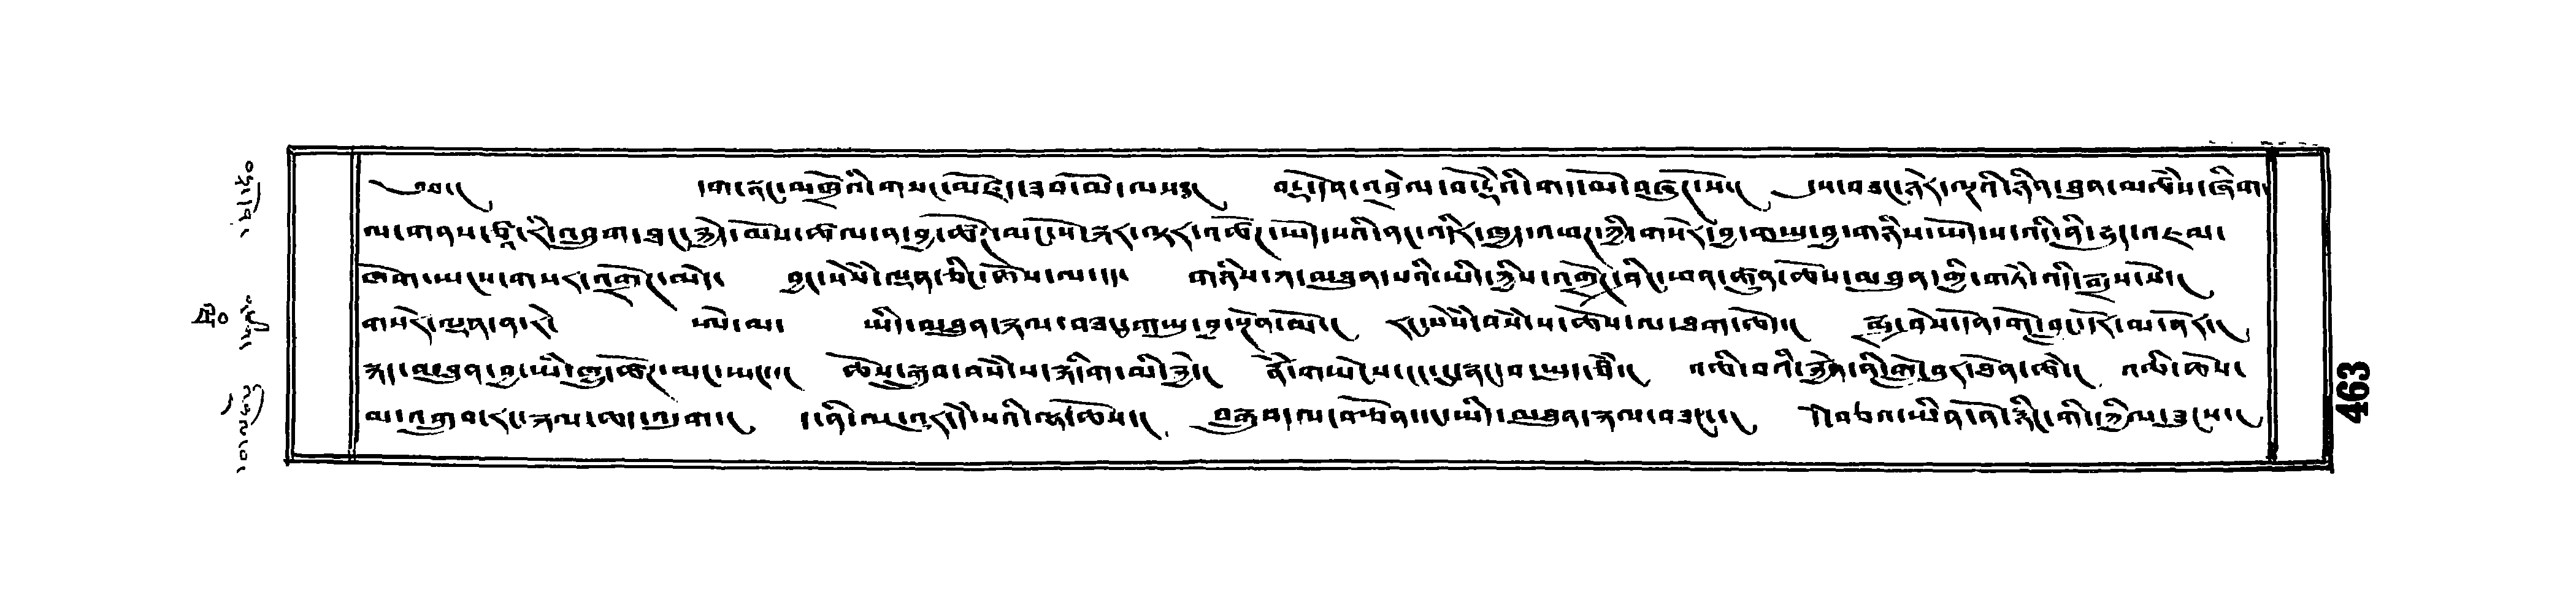དག་སྣང་མཁའ་འགྲོའི་གསང་མཛོད་ཟབ་མོ་ལས། བརྡ་དོན་འབྲེལ་བ་རྡོ་རྗེའི་གད་མོ་བཞུགས་སོ། དུས་བཟང་ཉེར་ལྔའི་ཉིན་ཐུན་མཚམས་ཞིག་
ལ་གནས་ཙཱ་རི་འབྲུག་ཐང་སྐྱེད་མོས་ཚལ་ན་བྱ་ཚོགས་མང་པོ་སྐར་ལྟར་འཚོགས་ཡོད་པའི་ནང་འདིར་ཁྱད་འཕགས་ཀྱི་གསེར་བྱ་གཡུ་བྱ་གཉིས་ཡོད་པ་འདི་ནི་རྒྱུད་འཇམ་
ཁོག་ཡངས་གསར་གྲོགས་མེད། བྱང་སེམས་ལྡན་ཅིང་ཆོས་ལ་དད། གཉིས་ཀ་མཐུན་པའི་ཡིད་ཀྱིས་འགྲོགས་ཤིང་ཕན་ཚུན་ཆོས་མཐུན་གྱི་གཏམ་འདི་སྨྲས་སོ། 
གསེར་ལྡན་ན་རེ། ཨེ་མ། ཡིད་མཐུན་སྐལ་བཟང་གཡུ་བྱ་སྔོན་མོ། །རང་སེམས་བསམ་པ་ཆོས་ལ་ཐག་ཆོད། །སྨྲ་ཤེས་དོན་གོ་བླང་དོར་མ་ནོར། །
སྐད་མཐུན་བྱ་ཡི་ཁྱུ་ཚོགས་མང་ཡང་། །ཆོས་སྒྲུབ་བསམ་པ་སྐད་ཅིག་མི་སྐྱེ། །རྣམ་གཡེང་ངང་དུ་སྣང་བ་ཡུད་ཙམ། །འཆི་བའི་རྐྱེན་ནི་གློ་བུར་ཐོན་ཚེ། །འཆི་ཆོས་
མ་འགྲུབ་རང་སྐལ་ཆད་འདུག །ད་ནི་ལ་འུར་དམ་པའི་ལྷ་ཆོས། །བསྒྲུབ་ལ་བརྩོན་དང་ཡིད་མཐུན་སྐལ་བཟང་། །དམ་བཅའ་ཡིན་ནོ་སྙིང་གི་དཀྱིལ་ཟུངས།